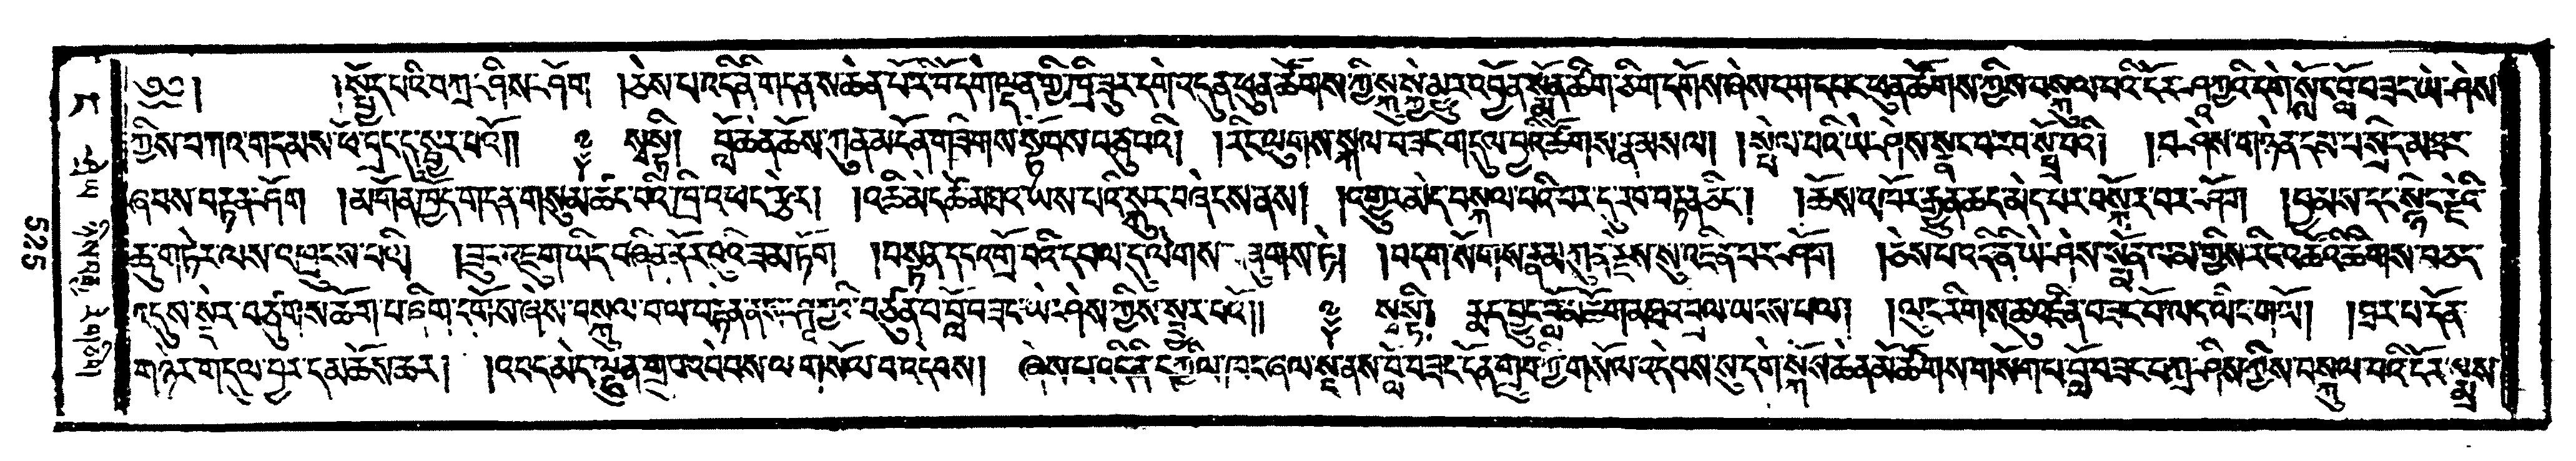༄༅། །སྤྱོད་པའི་བཀྲ་ཤིས་ཤོག །ཅེས་པ་འདི་ནི་གདན་ས་ཆེན་པོ་རི་བོ་དགེ་ལྡན་གྱི་ཁྲི་ཟུར་དགེ་འདུན་ཕུན་ཚོགས་ཀྱི་སྐྱེ་མྱུར་འབྱོན་སྨོན་ཚིག་ཅིག་དགོས་ཞེས་ངག་དབང་ཕུན་ཚོགས་ཀྱིས་བསྐུལ་པའི་ངོར་ཤཱཀྱའི་དགེ་སློང་བློ་བཟང་ཡེ་ཤེས་
ཀྱིས་བཀའ་གདམས་ཕོ་བྲང་དུ་སྦྱར་བའོ། །༈ སྭསྟི། བློ་ཆེན་ཆོས་ཀུན་མངོན་གཟིགས་སྟོབས་བཅུ་པའི། །རིང་ལུགས་སྐལ་བཟང་གདུལ་བྱའི་ཚོགས་རྣམས་ལ། །སྤེལ་པའི་ཡེ་ཤེས་སྣང་བ་རབ་སྤྲོ་བའི། །བཤེས་གཉེན་དམ་པ་སྲིད་མཐར་
ཞབས་བརྟན་ཤོག །མགོན་ཁྱོད་གདན་གསུམ་ཚང་བའི་ཁྲི་འཕང་རྩེར། །འཆི་མེད་ཚེ་མཐའ་ཡས་པའི་སྐུར་བཞེངས་ནས། །འགྱུར་མེད་བསྐལ་པའི་བར་དུ་རབ་བརྟན་ཅིང་། །ཆོས་འཁོར་རྒྱུན་ཆད་མེད་པར་བསྐོར་བར་ཤོག །བྱམས་དང་སྙིང་རྗེའི་
ཆུ་གཏེར་ལས་འཁྲུངས་པའི། །ཟུང་འཇུག་ཡིད་བཞིན་ནོར་བུའི་ཟམ་ཏོག །བསྟན་དང་འགྲོ་བའི་དཔལ་དུ་ལེགས་བཞུགས་ཏེ། །བདག་སོགས་རྣམ་ཀུན་རྗེས་སུ་འཛིན་པར་ཤོག །ཅེས་པ་འདི་ནི་ཡེ་ཤེས་སྨོན་ལམ་གྱིས་རིང་འཚོའི་ཚིགས་བཅད་
འདུས་སྡེར་བཙུགས་ཆོག་པ་ཞིག་དགོས་ཞེས་བསྐུལ་བ་ལ་བརྟེན་ནས་ཤཱཀྱའི་བཙུན་པ་བློ་བཟང་ཡེ་ཤེས་ཀྱིས་སྦྱར་བའོ། ། ༈ སྭསྟི། རྨད་བྱུང་བློ་མཆོག་མཐའ་བྲལ་ཡངས་པ་ལ། །ལུང་རིགས་ཆུ་འཛིན་བཟང་པོ་ལང་ལིང་གཡོ། །ཐར་པ་དོན་
གཉེར་གདུལ་བྱར་དམ་ཆོས་ཆར། །འབད་མེད་ལྷུན་གྲུབ་འབེབས་ལ་གསོལ་བ་འདེབས། ཞེས་པ་འདི་ནི་དཀྱིལ་ཁང་ཞལ་སྔ་ནས་བློ་བཟང་དོན་གྲུབ་ཀྱི་གསོལ་འདེབས་སུ་དགེ་སྐོས་ཆེན་མོ་ཚོགས་གསོག་པ་བློ་བཟང་བཀྲ་ཤིས་ཀྱིས་བསྐུལ་བའི་ངོར་སྨྲས་